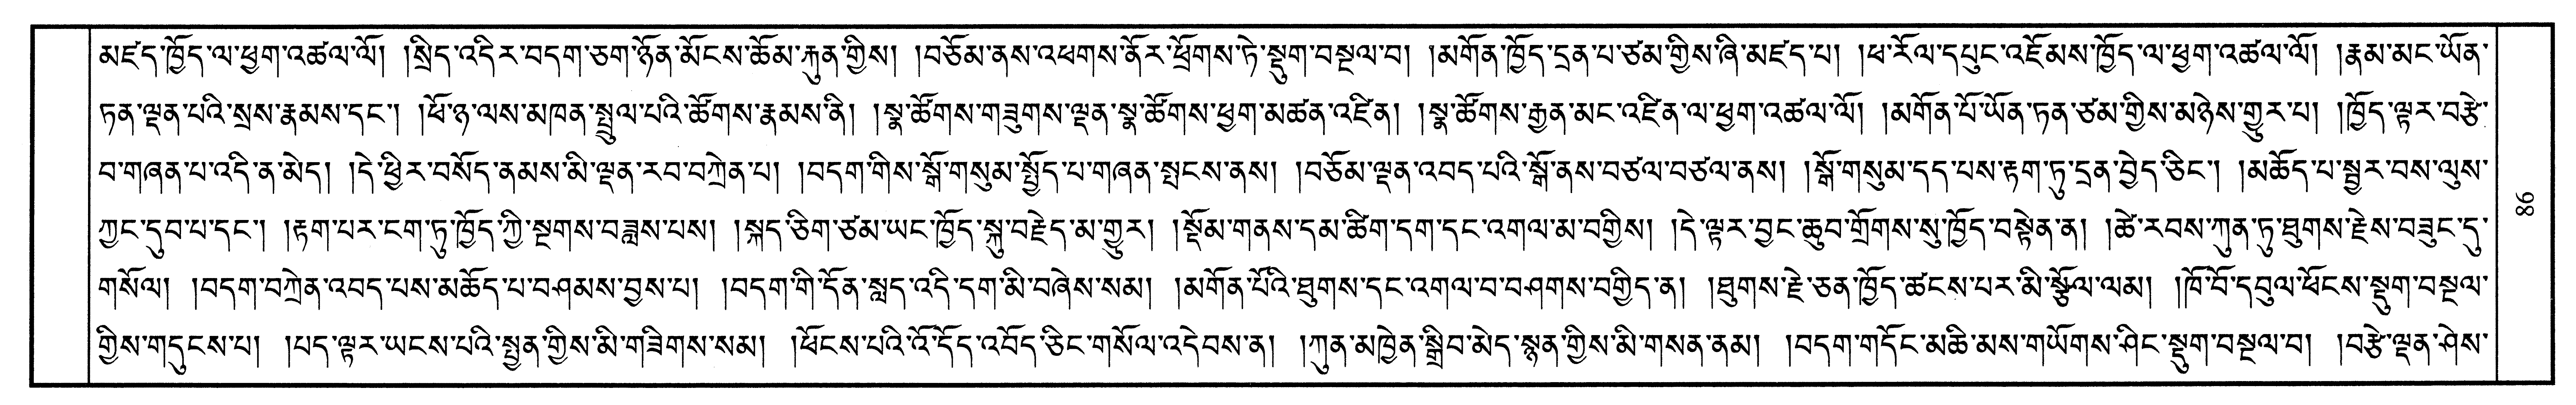མཛད་ཁྱོད་ལ་ཕྱག་འཚལ་ལོ། །སྲིད་འདིར་བདག་ཅག་ཉོན་མོངས་ཆོམ་རྐུན་གྱིས། །བཅོམ་ནས་འཕགས་ནོར་ཕྲོགས་ཏེ་སྡུག་བསྔལ་བ། །མགོན་ཁྱོད་དྲན་པ་ཙམ་གྱིས་ཞི་མཛད་པ། །ཕ་རོལ་དཔུང་འཇོམས་ཁྱོད་ལ་ཕྱག་འཚལ་ལོ། །རྣམ་མང་ཡོན་
ཏན་ལྡན་པའི་སྲས་རྣམས་དང་། །ཕོ་ཉ་ལས་མཁན་སྤྲུལ་པའི་ཚོགས་རྣམས་ནི། །སྣ་ཚོགས་གཟུགས་ལྡན་སྣ་ཚོགས་ཕྱག་མཚན་འཛིན། །སྣ་ཚོགས་རྒྱན་མང་འཛིན་ལ་ཕྱག་འཚལ་ལོ། །མགོན་པོ་ཡོན་ཏན་ཙམ་གྱིས་མཉེས་གྱུར་པ། །ཁྱོད་ལྟར་བརྩེ་
བ་གཞན་པ་འདི་ན་མེད། །དེ་ཕྱིར་བསོད་ནམས་མི་ལྡན་རབ་བཀྲེན་པ། །བདག་གིས་སྒོ་གསུམ་སྤྱོད་པ་གཞན་སྤངས་ནས། །བཅོམ་ལྡན་འབད་པའི་སྒོ་ནས་བཙལ་བཙལ་ནས། །སྒོ་གསུམ་དད་པས་རྟག་ཏུ་དྲན་བྱེད་ཅིང་། །མཆོད་པ་སྦྱར་བས་ལུས་
ཀྱང་དུབ་པ་དང་། །རྟག་པར་ངག་ཏུ་ཁྱོད་ཀྱི་སྔགས་བཟླས་པས། །སྐད་ཅིག་ཙམ་ཡང་ཁྱོད་སྐུ་བརྗེད་མ་གྱུར། །སྡོམ་གནས་དམ་ཚིག་དག་དང་འགལ་མ་བགྱིས། །དེ་ལྟར་བྱང་ཆུབ་གྲོགས་སུ་ཁྱོད་བསྟེན་ན། །ཚེ་རབས་ཀུན་ཏུ་ཐུགས་རྗེས་བཟུང་དུ་
གསོལ། །བདག་བཀྲེན་འབད་པས་མཆོད་པ་བཤམས་བྱས་པ། །བདག་གི་དོན་སླད་འདི་དག་མི་བཞེས་སམ། །མགོན་པོའི་ཐུགས་དང་འགལ་བ་བཤགས་བགྱིད་ན། །ཐུགས་རྗེ་ཅན་ཁྱོད་ཚངས་པར་མི་སྩོལ་ལམ། །ཁོ་བོ་དབུལ་ཕོངས་སྡུག་བསྔལ་
གྱིས་གདུངས་པ། །པད་ལྟར་ཡངས་པའི་སྤྱན་གྱིས་མི་གཟིགས་སམ། །ཕོངས་པའི་འོ་དོད་འབོད་ཅིང་གསོལ་འདེབས་ན། །ཀུན་མཁྱེན་སྒྲིབ་མེད་སྙན་གྱིས་མི་གསན་ནམ། །བདག་གདོང་མཆི་མས་གཡོགས་ཤིང་སྡུག་བསྔལ་བ། །བརྩེ་ལྡན་ཤེས་